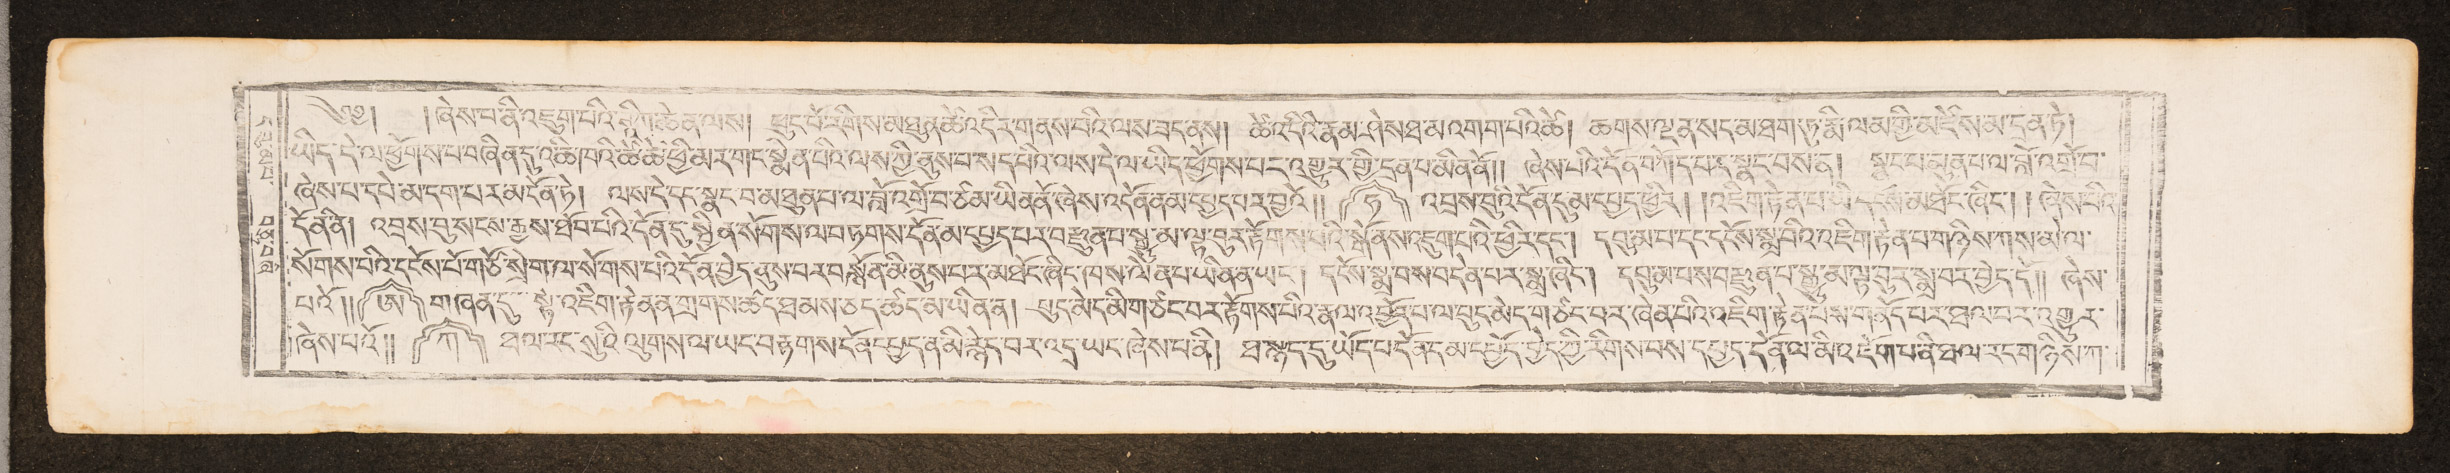༄༅། །ཞེས་པ་ནི་འཇུག་པའི་ཊའིཀ་ཆེན་ལས། ཕུང་པོ་རིགས་མཐུན་ཚེ་འདིར་གནས་པའི་ལས་ཟང་ནས། ཚེ་འདིའི་རྣམ་ཤེས་ཐ་མ་འགག་པའི་ཚེ། ཆགས་ལྡན་སང་མ་ཐག་ཏུ་རྨི་ལམ་གྱི་མཛེས་མ་དྲན་ཏེ། །
ཡིད་དེ་ལ་ཕྱོགས་པ་བཞིན་དུ་འཆི་ཁའི་ཚེ་ཚེ་ཕྱི་མར་གང་སྨིན་པའི་ལས་ཀྱི་ནུས་པ་སད་པའི་ལས་དེ་ལ་ཡིད་ཕྱོགས་པར་འགྱུར་གྱི་དྲན་པ་མིན་ནོ། །ཞེས་པའི་དོན་བཀོད་པར་སྣང་བས་ན། སྣང་བ་མུན་ལ་བློ་འགྲོ་བ་
ཞེས་པ་དཔེ་མ་དག་པར་མངོན་ཏེ། ལས་དེ་དང་སྣང་བ་མཐུན་པ་ལ་བློ་འགྲོ་བ་ཙམ་ཡིན་ནོ་ཞེས་འདོན་ནམ་དཔྱད་པར་བྱའོ།། ༼༽ཧ༼༽ འབྲས་བུའི་དོན་དུ་མ་དཔྱད་ཕྱིར། །འཇིག་རྟེན་པ་ཡི་དངོས་མཐོང་ཞིང་། །ཞེས་པའི་
དོན་ནི། འབྲས་བུ་སངས་རྒྱས་ཐོབ་པའི་དོན་དུ་སྦྱིན་སོགས་ལ་བཏགས་དོན་མ་དཔྱད་པར་བརྫུན་པ་སྒྱུ་མ་ལྟ་བུར་རྟོགས་པའི་སྒོ་ནས་འཇུག་པའི་ཕྱིར་དང་། དབུ་མ་པ་དང་དངོས་སྨྲ་བའི་འཇིག་རྟེན་པ་གཉིས་ཀས་མེ་ལ་
སོགས་པའི་དངོས་པོ་གཙོ་སྲེག་ལ་སོགས་པའི་དོན་བྱེད་ནུས་པར་བསྙོན་མི་ནུས་པར་མཐོང་ཞིང་ཁས་ལེན་པ་ཡིན་ན་ཡང་། དངོས་སྨྲ་བས་བདེན་པར་སྨྲ་ཞིང་། །དབུ་མ་པས་བརྫུན་པ་སྒྱུ་མ་ལྟ་བུར་སྨྲ་བར་བྱེད་དོ།། ཞེས་
པའོ།། ༼༽ཨ༼༽ གཞན་དུ་སྟེ་འཇིག་རྟེན་ན་གྲགས་ཚད་ཐམས་ཅད་ཚད་མ་ཡིན་ན། བུད་མེད་མི་གཙང་བར་རྟོགས་པའི་རྣལ་འབྱོར་པ་ལ་བུད་མེད་གཙང་བར་ཞེན་པའི་འཇིག་རྟེན་གནོད་པར་ཐལ་བར་འགྱུར་
ཞེས་པའོ།། ༼༽ཀ༼༽ ཐལ་སུའི་ལུགས་ལ་ཡང་བརྟགས་དོན་དཔྱད་ན་མི་རྙེད་པར་འདྲ་ཡང་ཞེས་པ་ནི། ཐ་སྙད་དུ་ཡོད་པ་དོན་དམ་དཔྱོད་བྱེད་ཀྱི་རིགས་པས་དཔྱད་དོན་ལ་མི་འཇོག་པ་ནི་ཐལ་རང་གཉིས་ཀ་